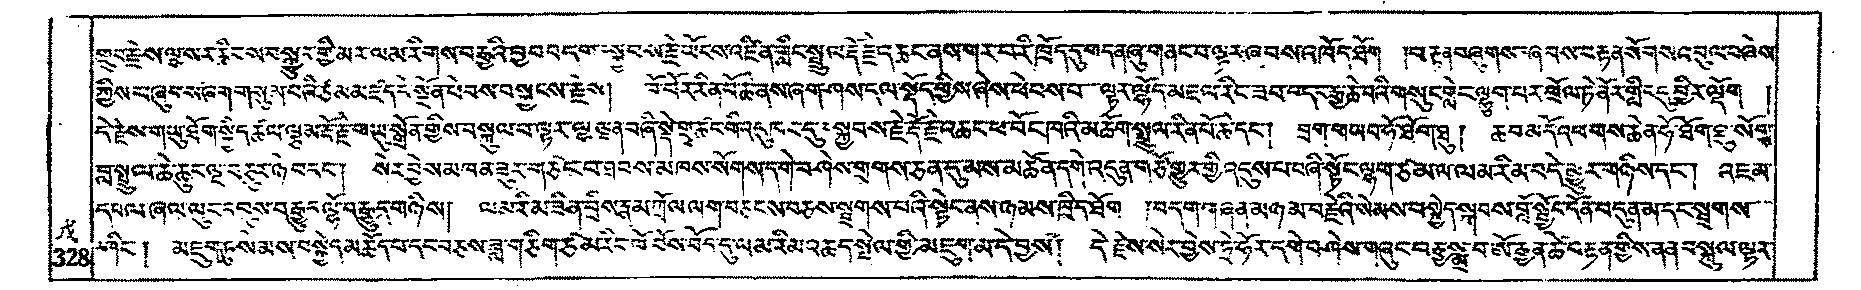གྲུབ་རྗེས་ལྷ་སར་ཆིབས་བསྒྱུར་གྱི་མར་ལམ་རིགས་བརྒྱའི་ཁྱབ་བདག ༧སྐྱབས་རྗེ་ཡོངས་འཛིན་གླིང་སྤྲུལ་རྡོ་རྗེ་འཆང་ནས་གར་པ་རི་ཁྲོད་དུ་གདན་ཞུ་གནང་བ་ལྟར་ཞབས་འཁོད་ཐོག །བརྟན་བཞུགས ༧ཞབས་བརྟན་སོགས་འབུལ་བཞེས་
ཀྱིས་བཞུགས་ཞག་གསུམ་བཞི་ཙམ་མཛད་དེ་སྔོན་ཕེབས་བསྐྱངས་རྗེས། ཁོ་བོར་རིན་པོ་ཆེ་ནས་ཞག་ཤས་དལ་སྡོད་གྱིས་ཞེས་ཕེབས་པ་ལྟར་ལྷོད་མཇལ་རིང་ཟབ་པ་དང་རྒྱ་ཆེ་བའི་གསུང་གླེང་ལྷུག་པར་གྲོལ་ཏེ་ནོར་གླིང་དུ་ཕྱིར་ལྡོག །
དེ་རྗེས་གཡུ་ཐོག་སྐྱིད་ཚལ་ལྕམ་རྡོ་རྗེ་གཡུ་སྒྲོན་གྱིས་བསྐུལ་བ་ལྟར་ལྷ་ལྡན་བཞི་སྡེ་གྲྭ་ཚང་གི་འདུ་ཁང་དུ་༧སྐྱབས་རྗེ་རྡོ་རྗེ་འཆང་ཕ་བོང་ཁའི་མཆོག་སྤྲུལ་རིན་པོ་ཆེ་དང་། བྲག་གཡབ་ཧོ་ཐོག་ཐུ། ཆབ་མདོ་འཕགས་ཆེན་ཧོ་ཐོག་ཐུ་སོགས་
བླ་སྤྲུལ་ཆེ་ཆུང་ལྔ་བཅུར་ཉེ་བ་དང་། སེར་བྱེས་མཁན་ཟུར་གཙང་བ་ཐབས་མཁས་སོགས་དགེ་བཤེས་གྲགས་ཅན་དུ་མས་མཚོན་དགེ་འདུན་གཙོ་གྱུར་གྱི་འདུས་པ་བཞི་སྟོང་ལྷག་ཙམ་ལ་ལམ་རིམ་བདེ་མྱུར་གཉིས་དང་། འཇམ་
དཔལ་ཞལ་ལུང་དབུས་བརྒྱུད་ལྷོ་བརྒྱུད་གཉིས། ལམ་རིམ་ཟིན་བྲིས་རྣམ་གྲོལ་ལག་བཅངས་བཅས་སྦྲགས་པའི་སྟེང་ནས་ཉམས་ཁྲིད་ཐོག །བདག་གཞན་མཉམ་བརྗེའི་སེམས་བསྐྱེད་སྐབས་བློ་སྦྱོང་དོན་བདུན་མ་དང་སྦྲགས་
ཤིང་། མཇུག་ཏུ་སེམས་བསྐྱེད་མཆོད་པ་དང་བཅས་ཟླ་གཅིག་ཙམ་རིང་ཁོ་བོས་བོད་དུ་ལམ་རིམ་འཆད་སྤེལ་གྱི་མཇུག་མ་དེ་བྱས། དེ་རྗེས་སེར་བྱེས་ཏྲེ་ཧོར་དགེ་བཤེས་གཞུང་བརྒྱ་སྨྲ་བ་ཨོ་རྒྱན་ཚེ་བརྟན་གྱིས་ནན་བསྐུལ་ལྟར་